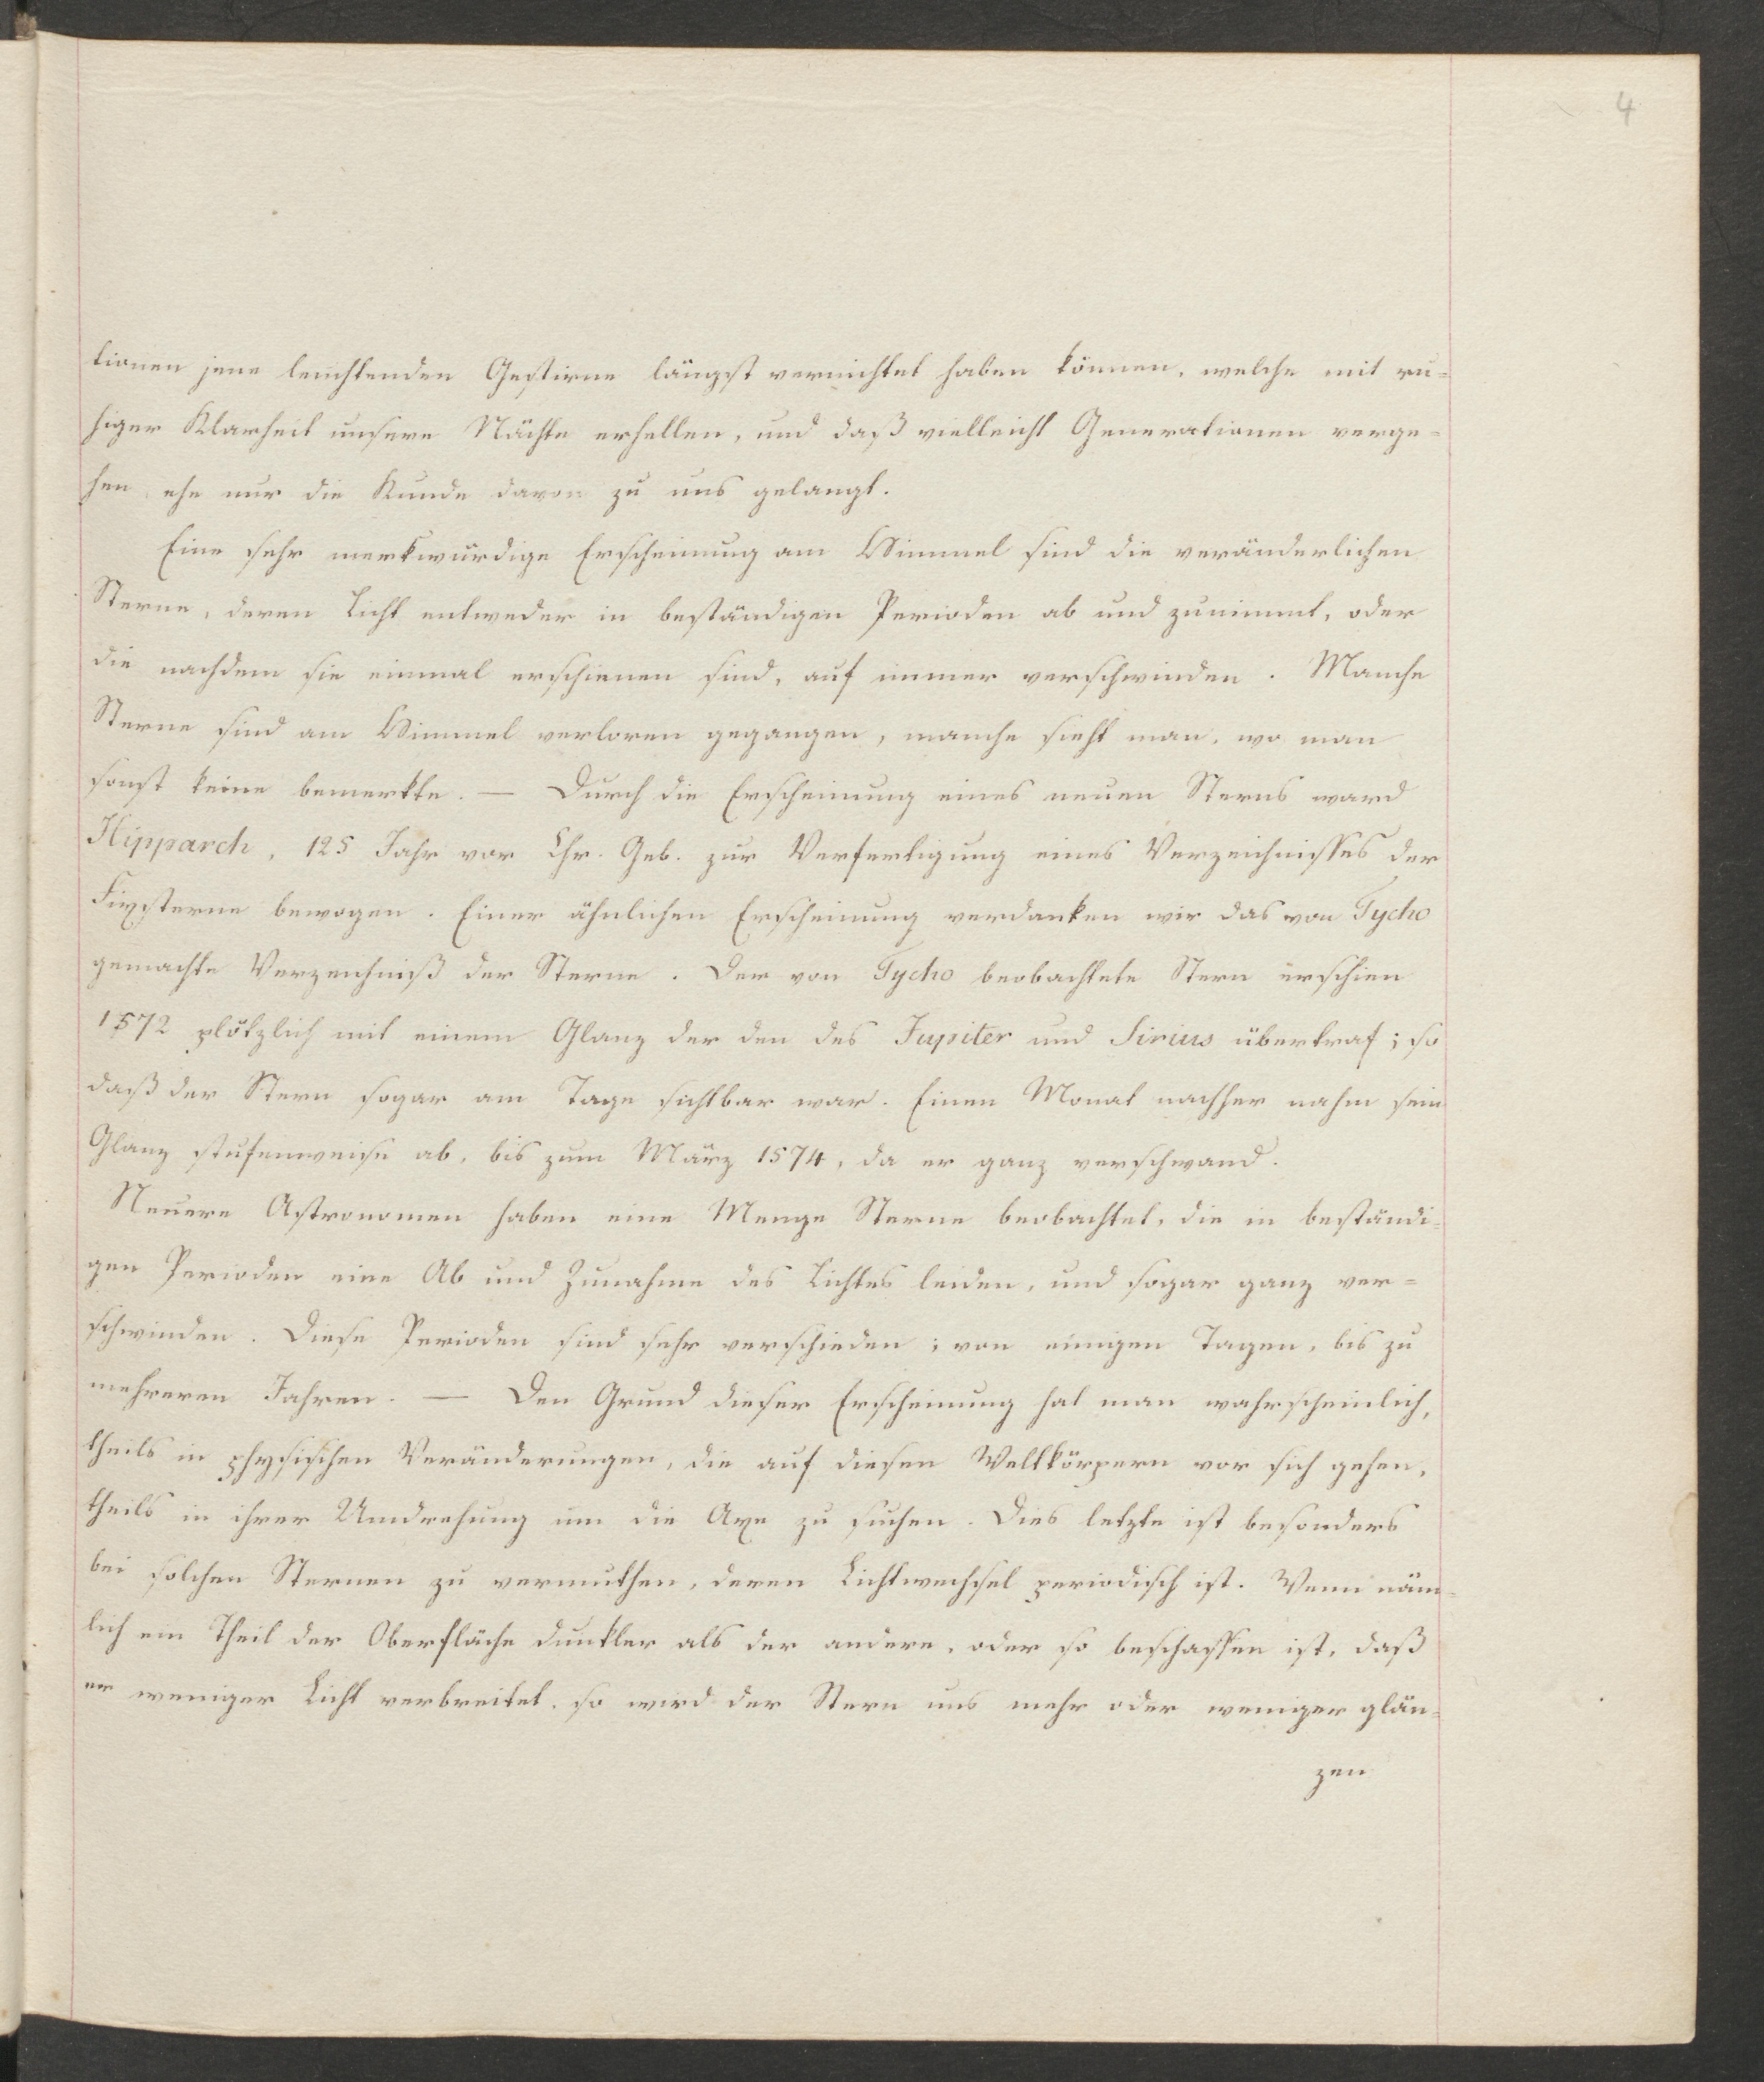tionen jene leuchtenden Gestirne längst vernichtet haben können, welche mit ru-
higer Klarheit unsere Nächte erhellen, und daß vielleicht Generationen verge-
hen, ehe nur die Kunde davon zu uns gelangt.
Eine sehr merkwürdige Erscheinung am Himmel sind die veränderlichen
Sterne, deren Licht entweder in beständigen Perioden ab und zunimmt, oder
die nachdem sie einmal erschienen sind, auf immer verschwinden. Manche
Sterne sind am Himmel verloren gegangen, manche sieht man, wo man
sonst keine bemerkte. – Durch die Erscheinung eines neuen Sterns ward
Hipparch, 125 Jahr vor Chr. Geb. zur Verfertigung eines Verzeichnisses der
Fixsterne bewogen. Einer ähnlichen Erscheinung verdanken wir das von Tycho
gemachte Verzeichniß der Sterne. Der von Tycho beobachtete Stern erschien
1572 plötzlich mit einem Glanz der den des Jupiter und Sirius übertraf; so
daß der Stern sogar am Tage sichtbar war. Einen Monat nachher nahm sein
Glanz stufenweise ab, bis zum März 1574, da er ganz verschwand.
Neuere Astronomen haben eine Menge Sterne beobachtet, die in beständi-
gen Perioden eine Ab und Zunahme des Lichtes leiden, und sogar ganz ver-
schwinden. Diese Perioden sind sehr verschieden; von einigen Tagen, bis zu
mehreren Jahren. – Den Grund dieser Erscheinung hat man wahrscheinlich,
theils in physischen Veränderungen, die auf diesen Weltkörpern vor sich gehen,
theils in ihrer Umdrehung um die Axe zu suchen. Dies letzte ist besonders
bei solchen Sternen zu vermuthen, deren Lichtwechsel periodisch ist. Wenn näm-
lich ein Theil der Oberfläche dunkler als der andere, oder so beschaffen ist, daß
er weniger Licht verbreitet, so wird der Stern uns mehr oder weniger glän-
zen